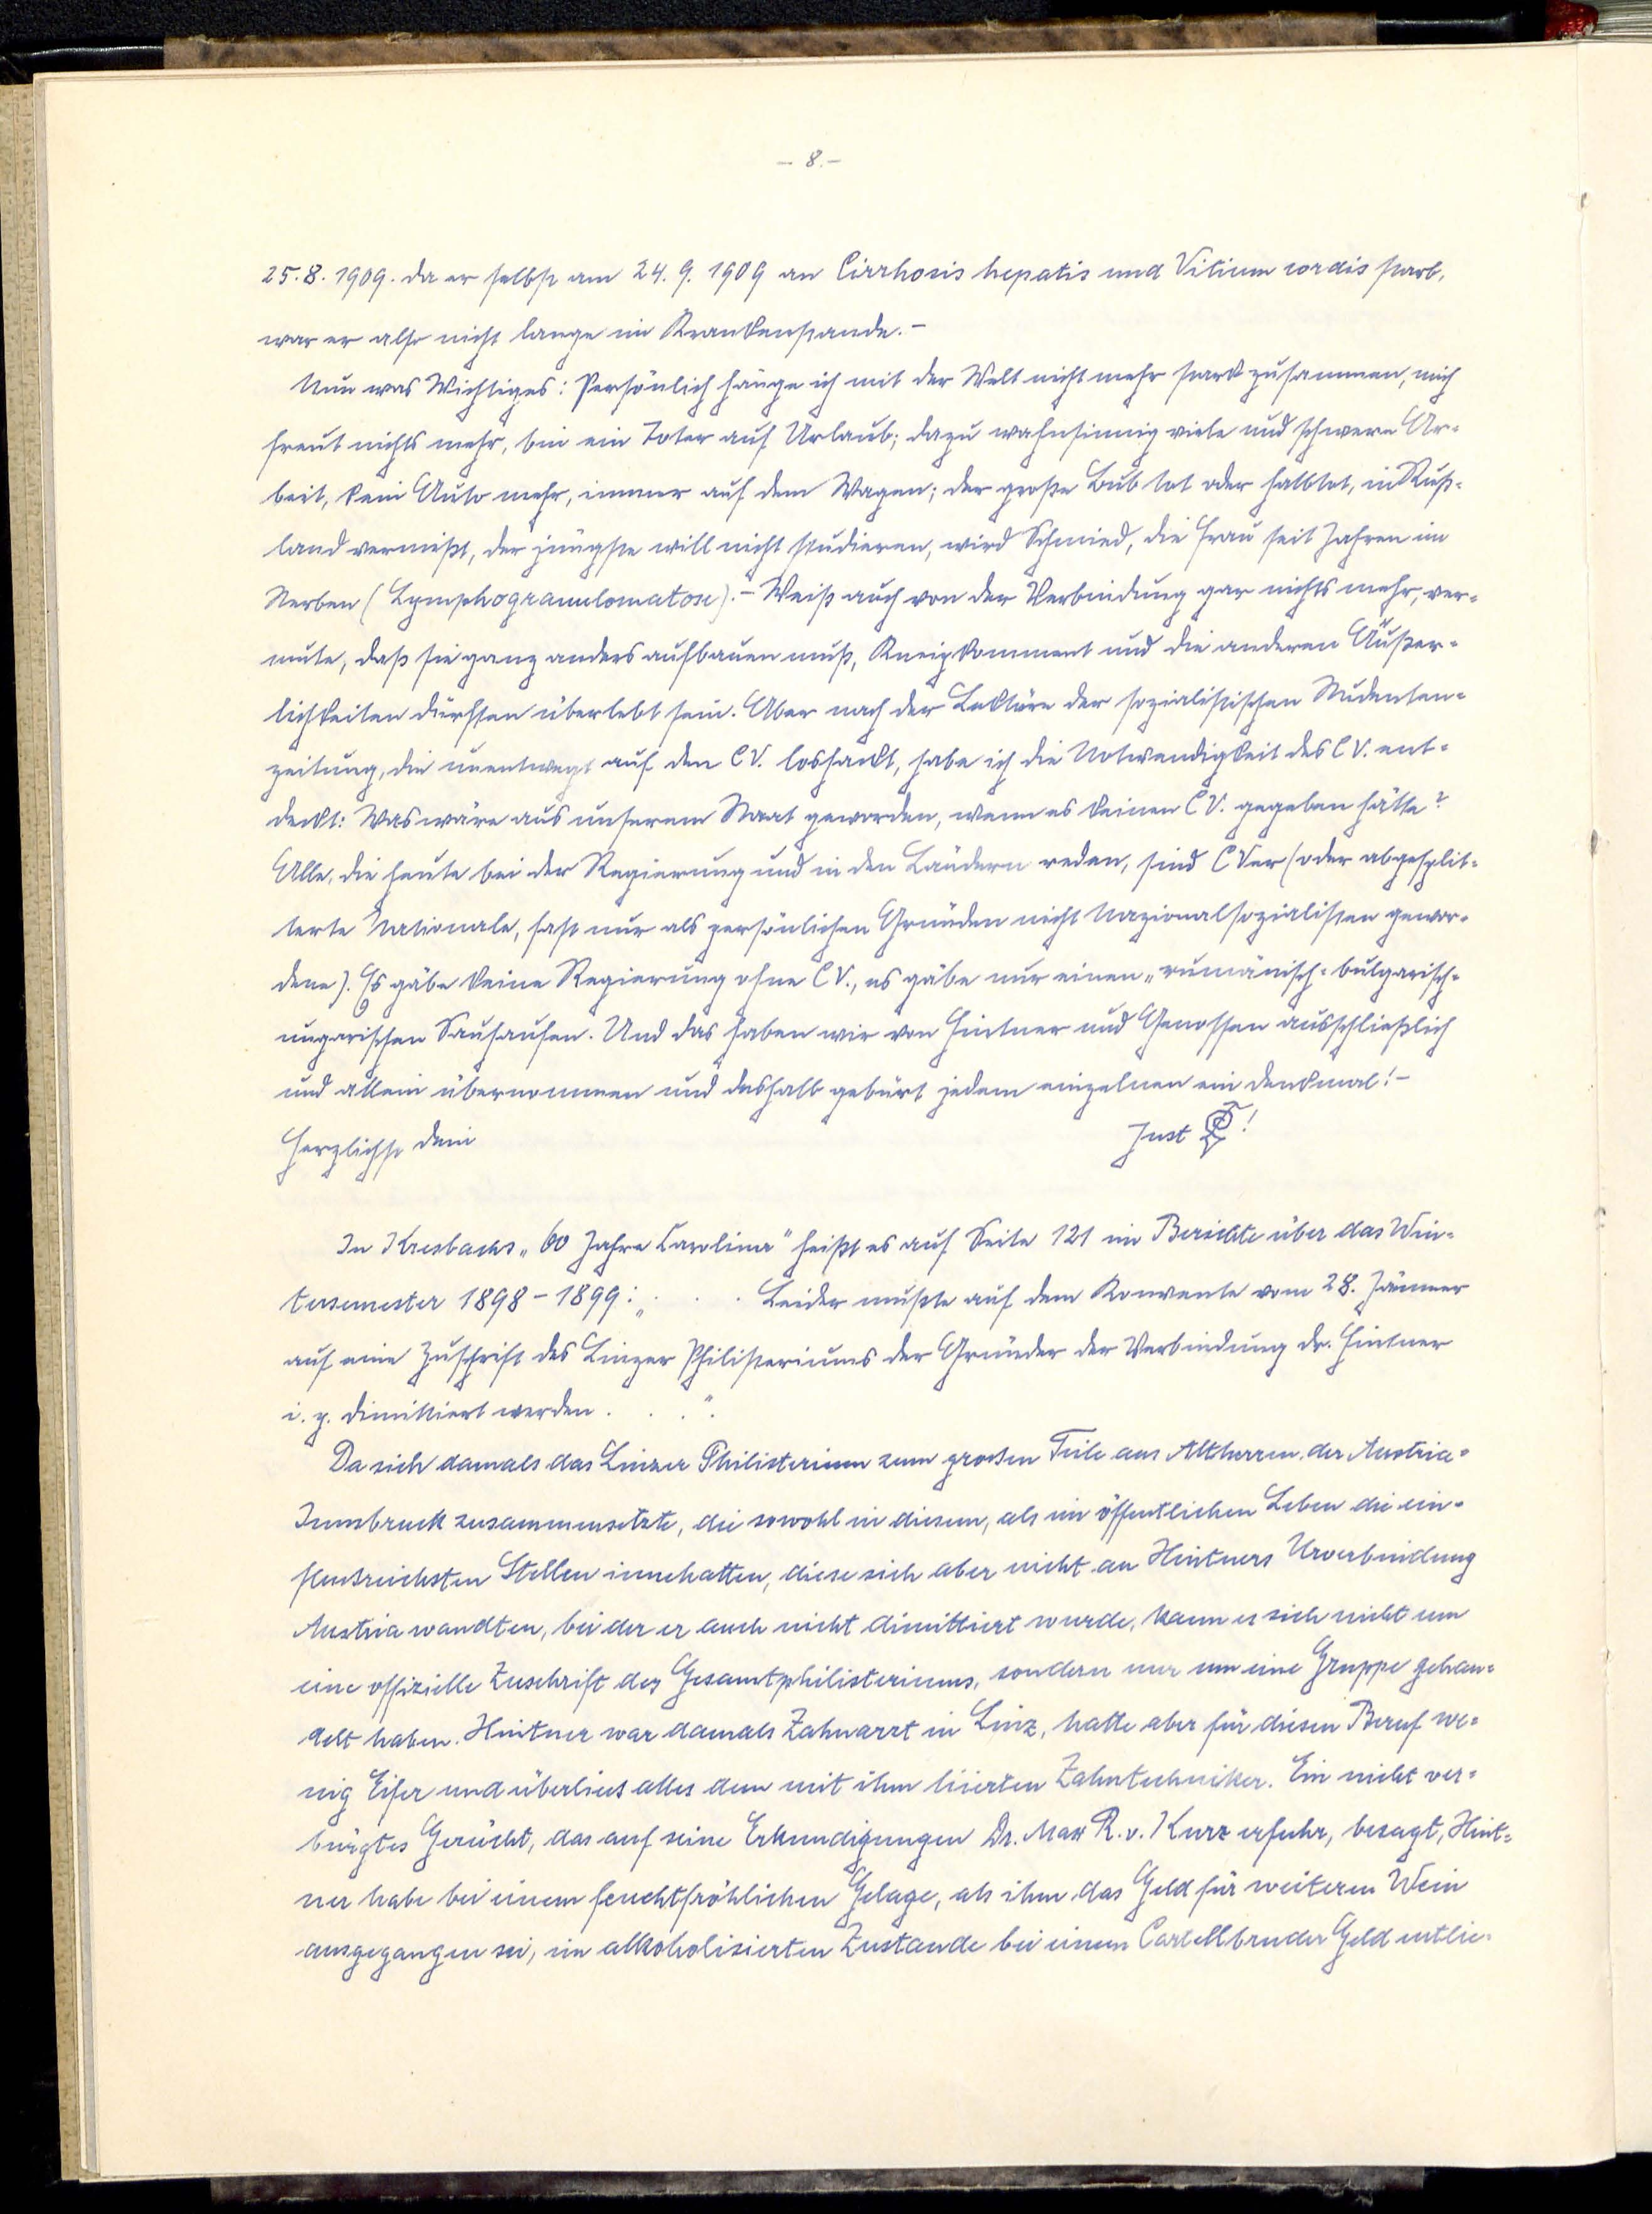8.
25.8.1909. Da er selbst am 24.9.1909 an Cirrhosis hepatis und Vitium cordis starb,
war er also nicht lange im Krankenstande.
Nun was Wichtiges: Persönlich hänge ich mit der Welt nicht mehr stark zusammen, mich
freut nichts mehr, bin ein Toter auf Urlaub; dazu wahnsinnig viele und schwere Ar-
beit- kein Auto mehr, immer auf dem Wagen; der große Bub tot oder halbtot, in Ruß-
land vermißt, der jüngste will nicht studieren, wird Schmied, die Frau seit Jahren im
Sterben (Lymphogranulomatose).- Weiß auch von der Verbindung gar nichts mehr, ver-
mute, daß sie ganz anders aufbauen muß, Kneipkomment und die anderen Äußer-
lichkeiten dürften überlebt sein. Aber nach der Lektion der sozialistischen Studenten-
zeitung, die unentwegt auf den C.V. loshackt, habe ich die Notwendigkeit des C.V. ent-
deckt: Was wäre aus unserem Staat geworden, wenn es keinen C.V. gegeben hätte?
Alte, die heute bei der Regierung und in den Ländern reden, sind CVer (oder abgesplit-
terte Nationale, fast nur aus persönlichen Gründen nicht Nazionalsozialisten gewor-
dem). Es gäbe keine Regierung ohne CV., es gäbe nur einen "rumänisch-bulgarisch-
ungarischen Sauhaufen. Und das haben wir von Hintner und Genossen ausschließlich
und allein übernommen und deshalb gebürt jedem einzelnen ein Dankwort!-
Herzlichst dein
Just CI!
In Kresbachs "60 Jahre Carolina" heißt es auf Seite 121 im Berichte über das Win-
tersemester 1898-1899:
Leider mußte auf dem Konvente vom 28. Jänner
auf eine Zusschrift des Linzer Philisteriums der Gründer der Verbindung Dr. Hintner
i.p. dimittiert werden
Da sich damals das Linzer Philisterium zum großen Teile aus Altherren der Austria-
Innsbruck zusammensetzte, die sowohl in diesem, als im öffentlichen Leben die ein-
flussreichsten Stellen innehatten, diese sich aber nicht an Hintners Urverbindung
Austria wandten, bei der er auch nicht dimittiert wurde, kann es sich nicht um
eine offizielle Zuschrit des Gesamtphilisteriums, sondern nur um eine Gruppe gehan-
delt haben. Hintner war damals Zahnarzt in Linz, hatte aber für diesen Beruf we-
nig Eifer und überlies alles dem mit ihm liierten Zahntechnikern. Ein nicht ver-
bürgtes Gericht, das auf seine Erkundigungen Dr. Max R. v. Kurz erfuhr, besagt, Hint-
ner habe bei einem feuchtfröhlichen Gelage, als ihm das Geld für weiteren Wein
ausgegangen sei, im alkoholisierten Zustande bei einem Cartellbruder Geld entlie-